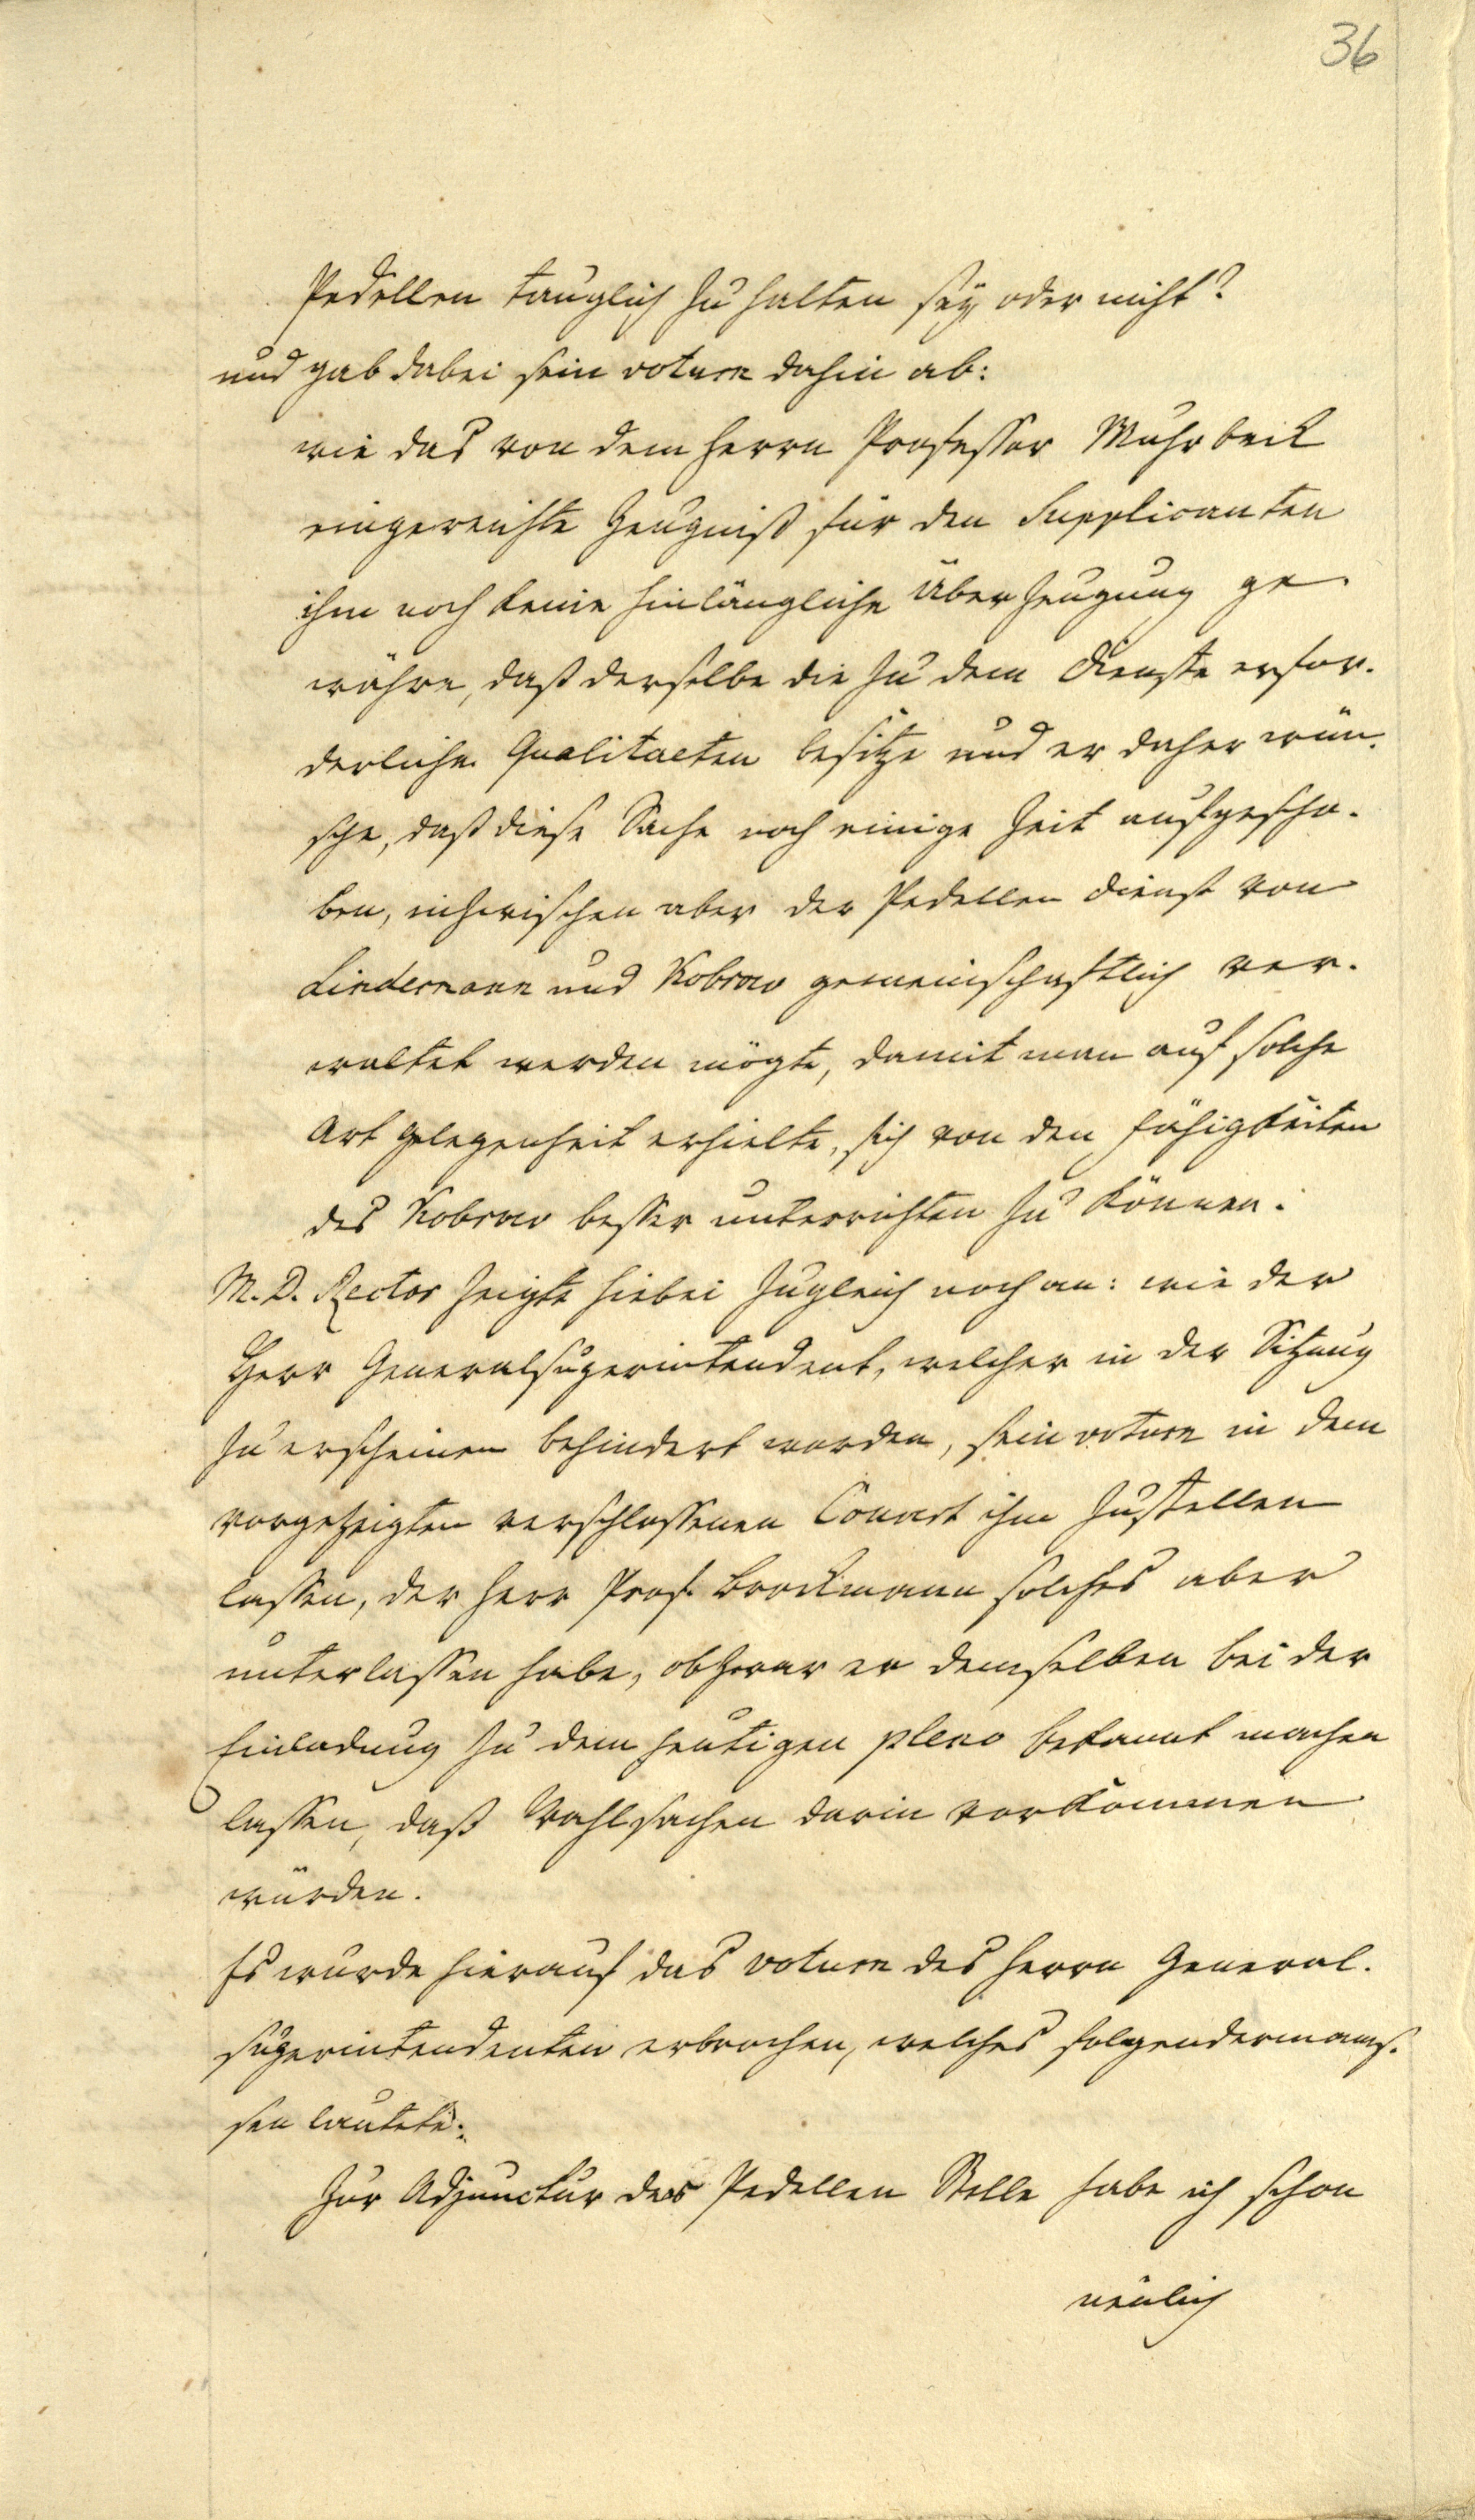Pedellen tauglich zu halten seÿ, oder nicht?
und gab dabei sein votum dahin ab:
wie das von dem Herrn Professor Muhrbeck
eingereichte Zeugniß für den Supplicanten
ihm noch keine hinlängliche Überzeugung ge¬
währe, daß derselbe die zu dem Dienste erfor¬
derliche Qualitaeten besitze und er daher wün¬
sche, daß diese Sache noch einige Zeit aufgescho¬
ben, inzwischen aber der Pedellen dienst von
Lindemann und Kobrow gemeinschaftlich ver¬
waltet werden mögte, damit man auf solche
Art Gelegenheit erhielte, sich von den Fähigkeiten
des Kobrow besser unterrichten zu können.
M. D. Rector zeigte hiebei zugleich noch an: wie der
Herr Generalsuperintendent, welcher in der Sitzung
zu erscheinen behindert worden, sein votum in dem
vorgezeigten verschlossenen Couvert ihm zustellen
lassen, der Herr Prof. Brockmann solches aber
unterlassen habe, obzwar er demselben bei der
Einladung zu dem heutigen pleno bekannt machen
lassen, daß Wahlsachen darin vorkommen
würden.
Es wurde hierauf das votum des Herrn General¬
superintendenten erbrochen, welches folgendermaas¬
sen lautete:
Zur Adjunctur der Pedellen Stelle habe ich schon
neulich